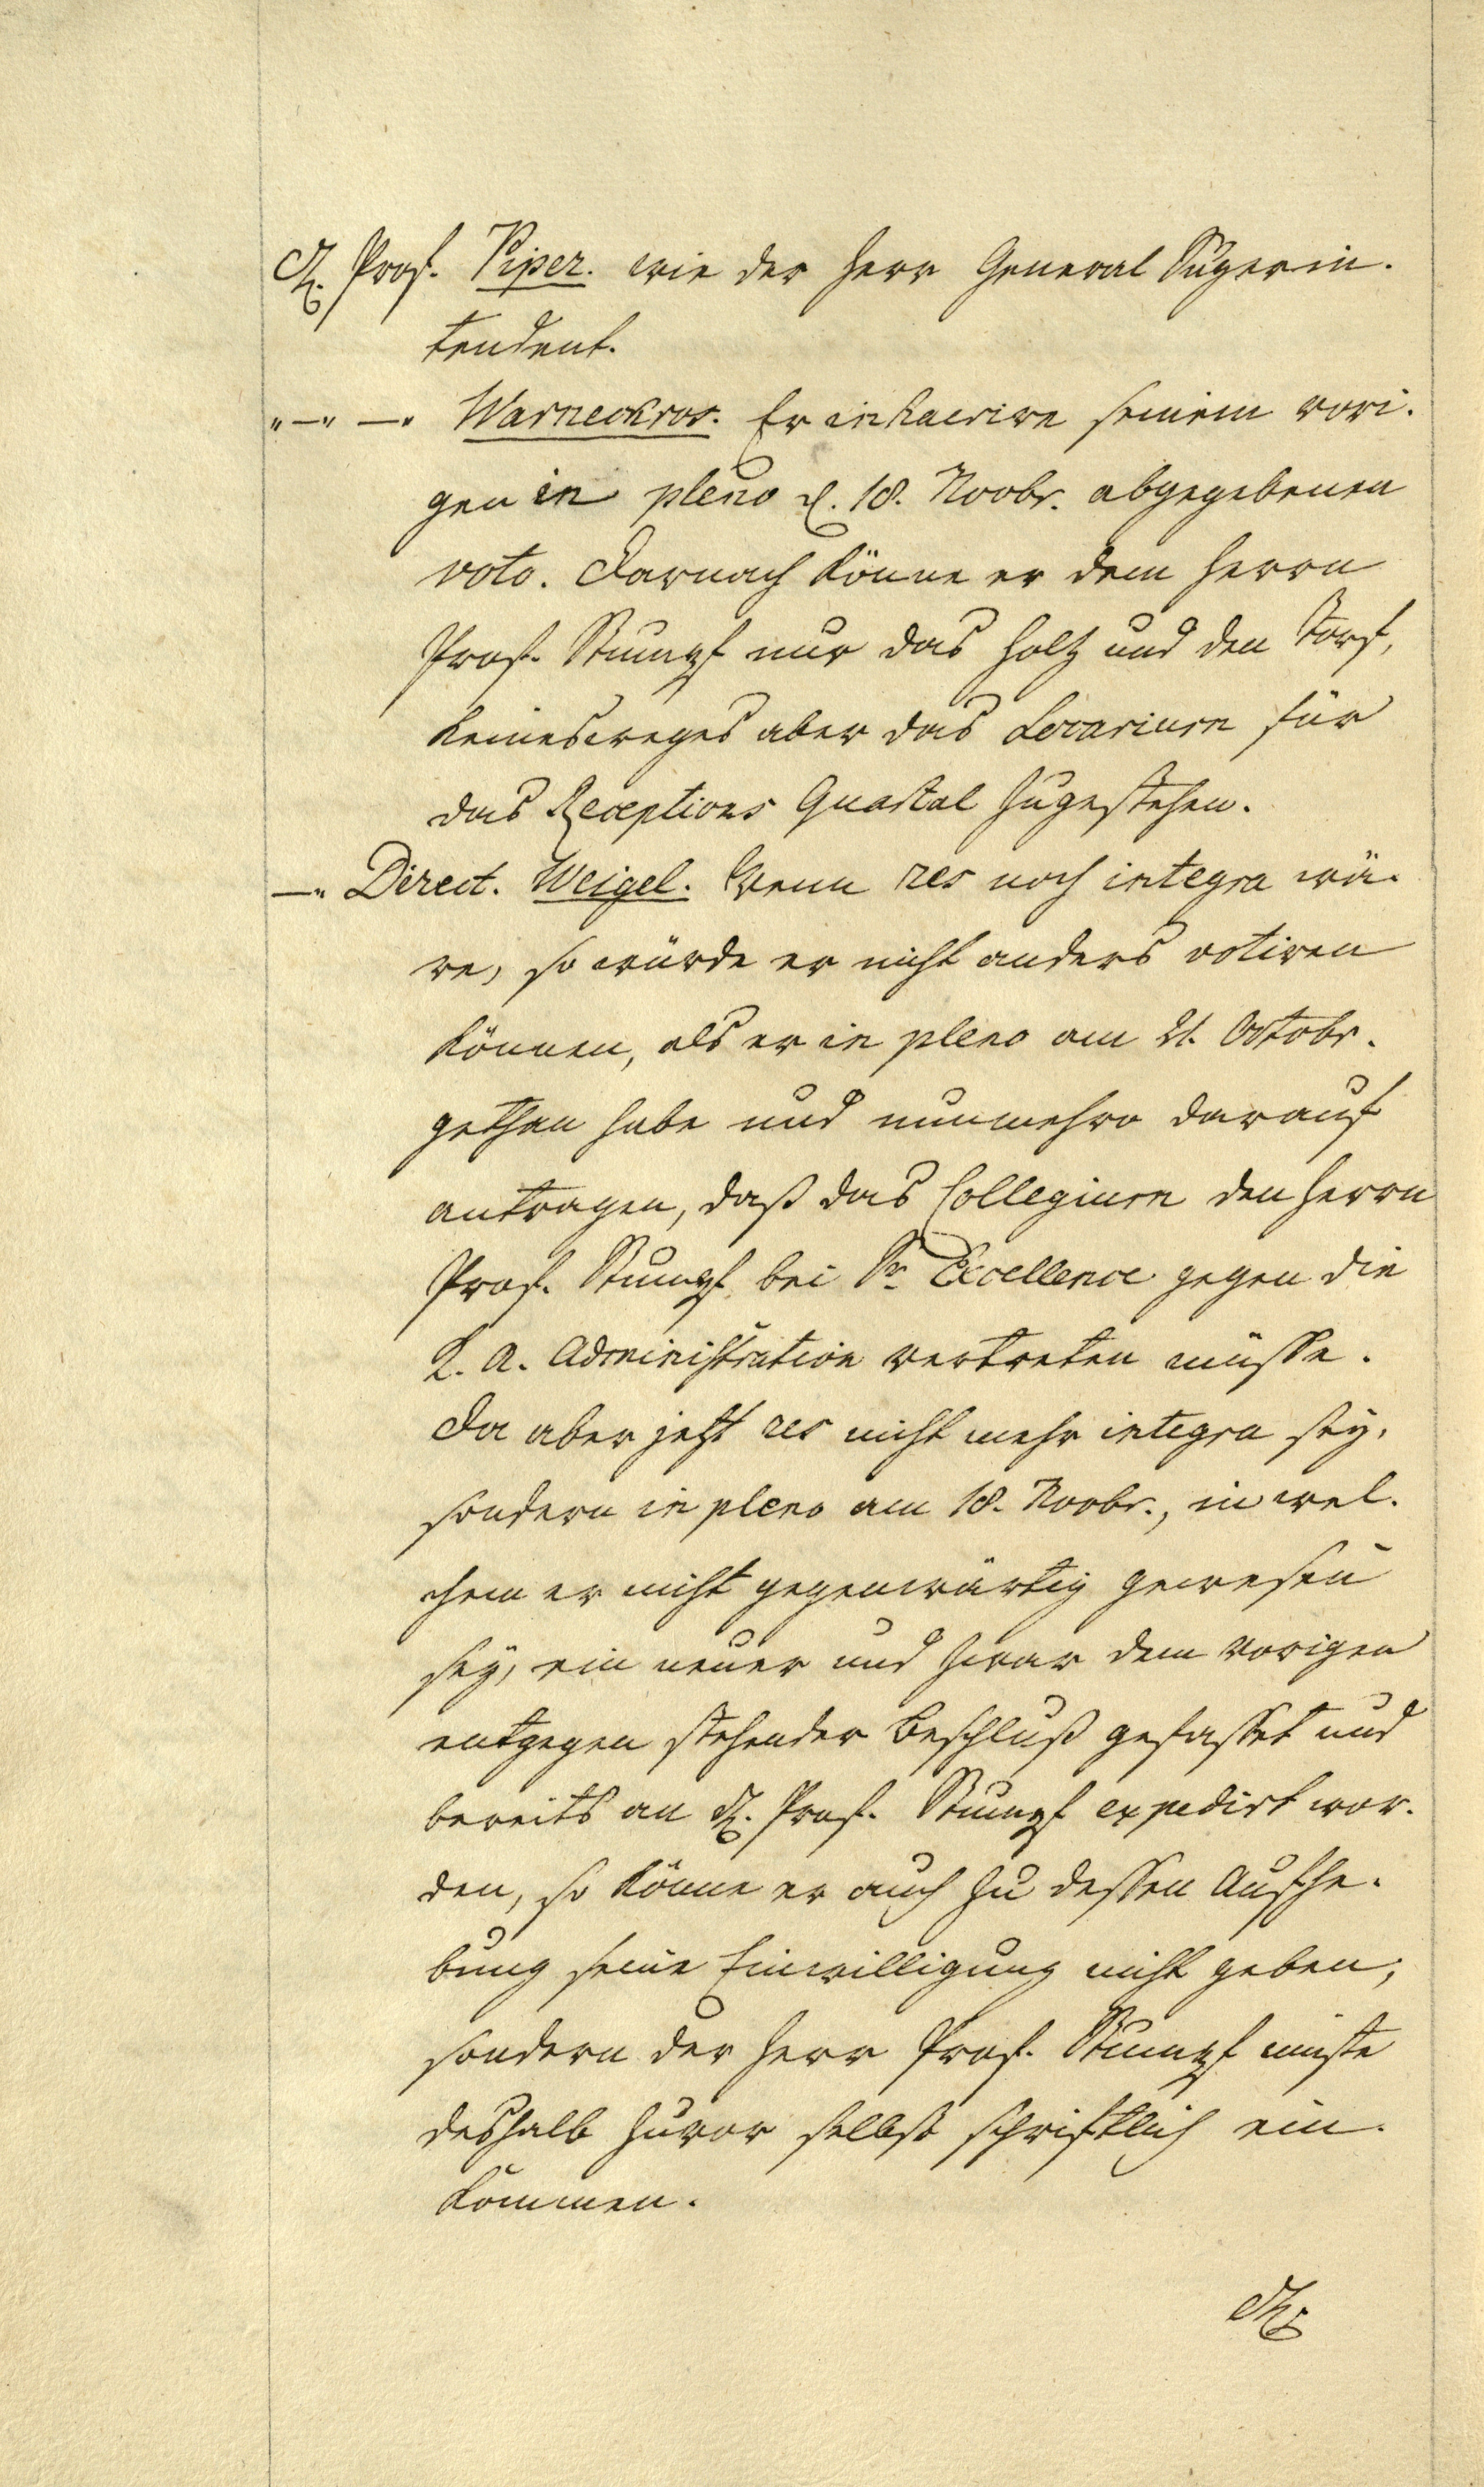dh. Prof. Piper. wie der Herr General Superin¬
tendent.
Warneckros. Er inhaerire seinem vori¬
gen in pleno d. 18. Novbr. abgegebenen
voto. Darnach könne er dem Herrn
Prof. Stumpf nur das Holz und den Torf,
keinesweges aber das Locarium für
das Receptions Quartal zugestehen.
Direct. Weigel. Wenn res noch integra wä¬
re, so würde er nicht anders votiren
können, als er in pleno am 21. Octobr.
gethan habe und nunmehro darauf
antragen, daß das Collegium den Herrn
Prof. Stumpf bei Sr Excellence gegen die
K. A. Administration vertreten müsse.
Da aber jetzt res nicht mehr integra seÿ,
sondern in pleno am 18. Novbr., in wel¬
chem er nicht gegenwärtig gewesen
seÿ, ein neuer und zwar dem vorigen
entgegen stehender Beschluß gefasset und
bereits an dh. Prof. Stumpf expedirt wor¬
den, so könne er auch zu dessen Aufhe¬
bung seine Einwilligung nicht geben,
sondern der Herr Prof. Stumpf müste
deshalb zuvor selbst schriftlich ein¬
kommen.
dh.